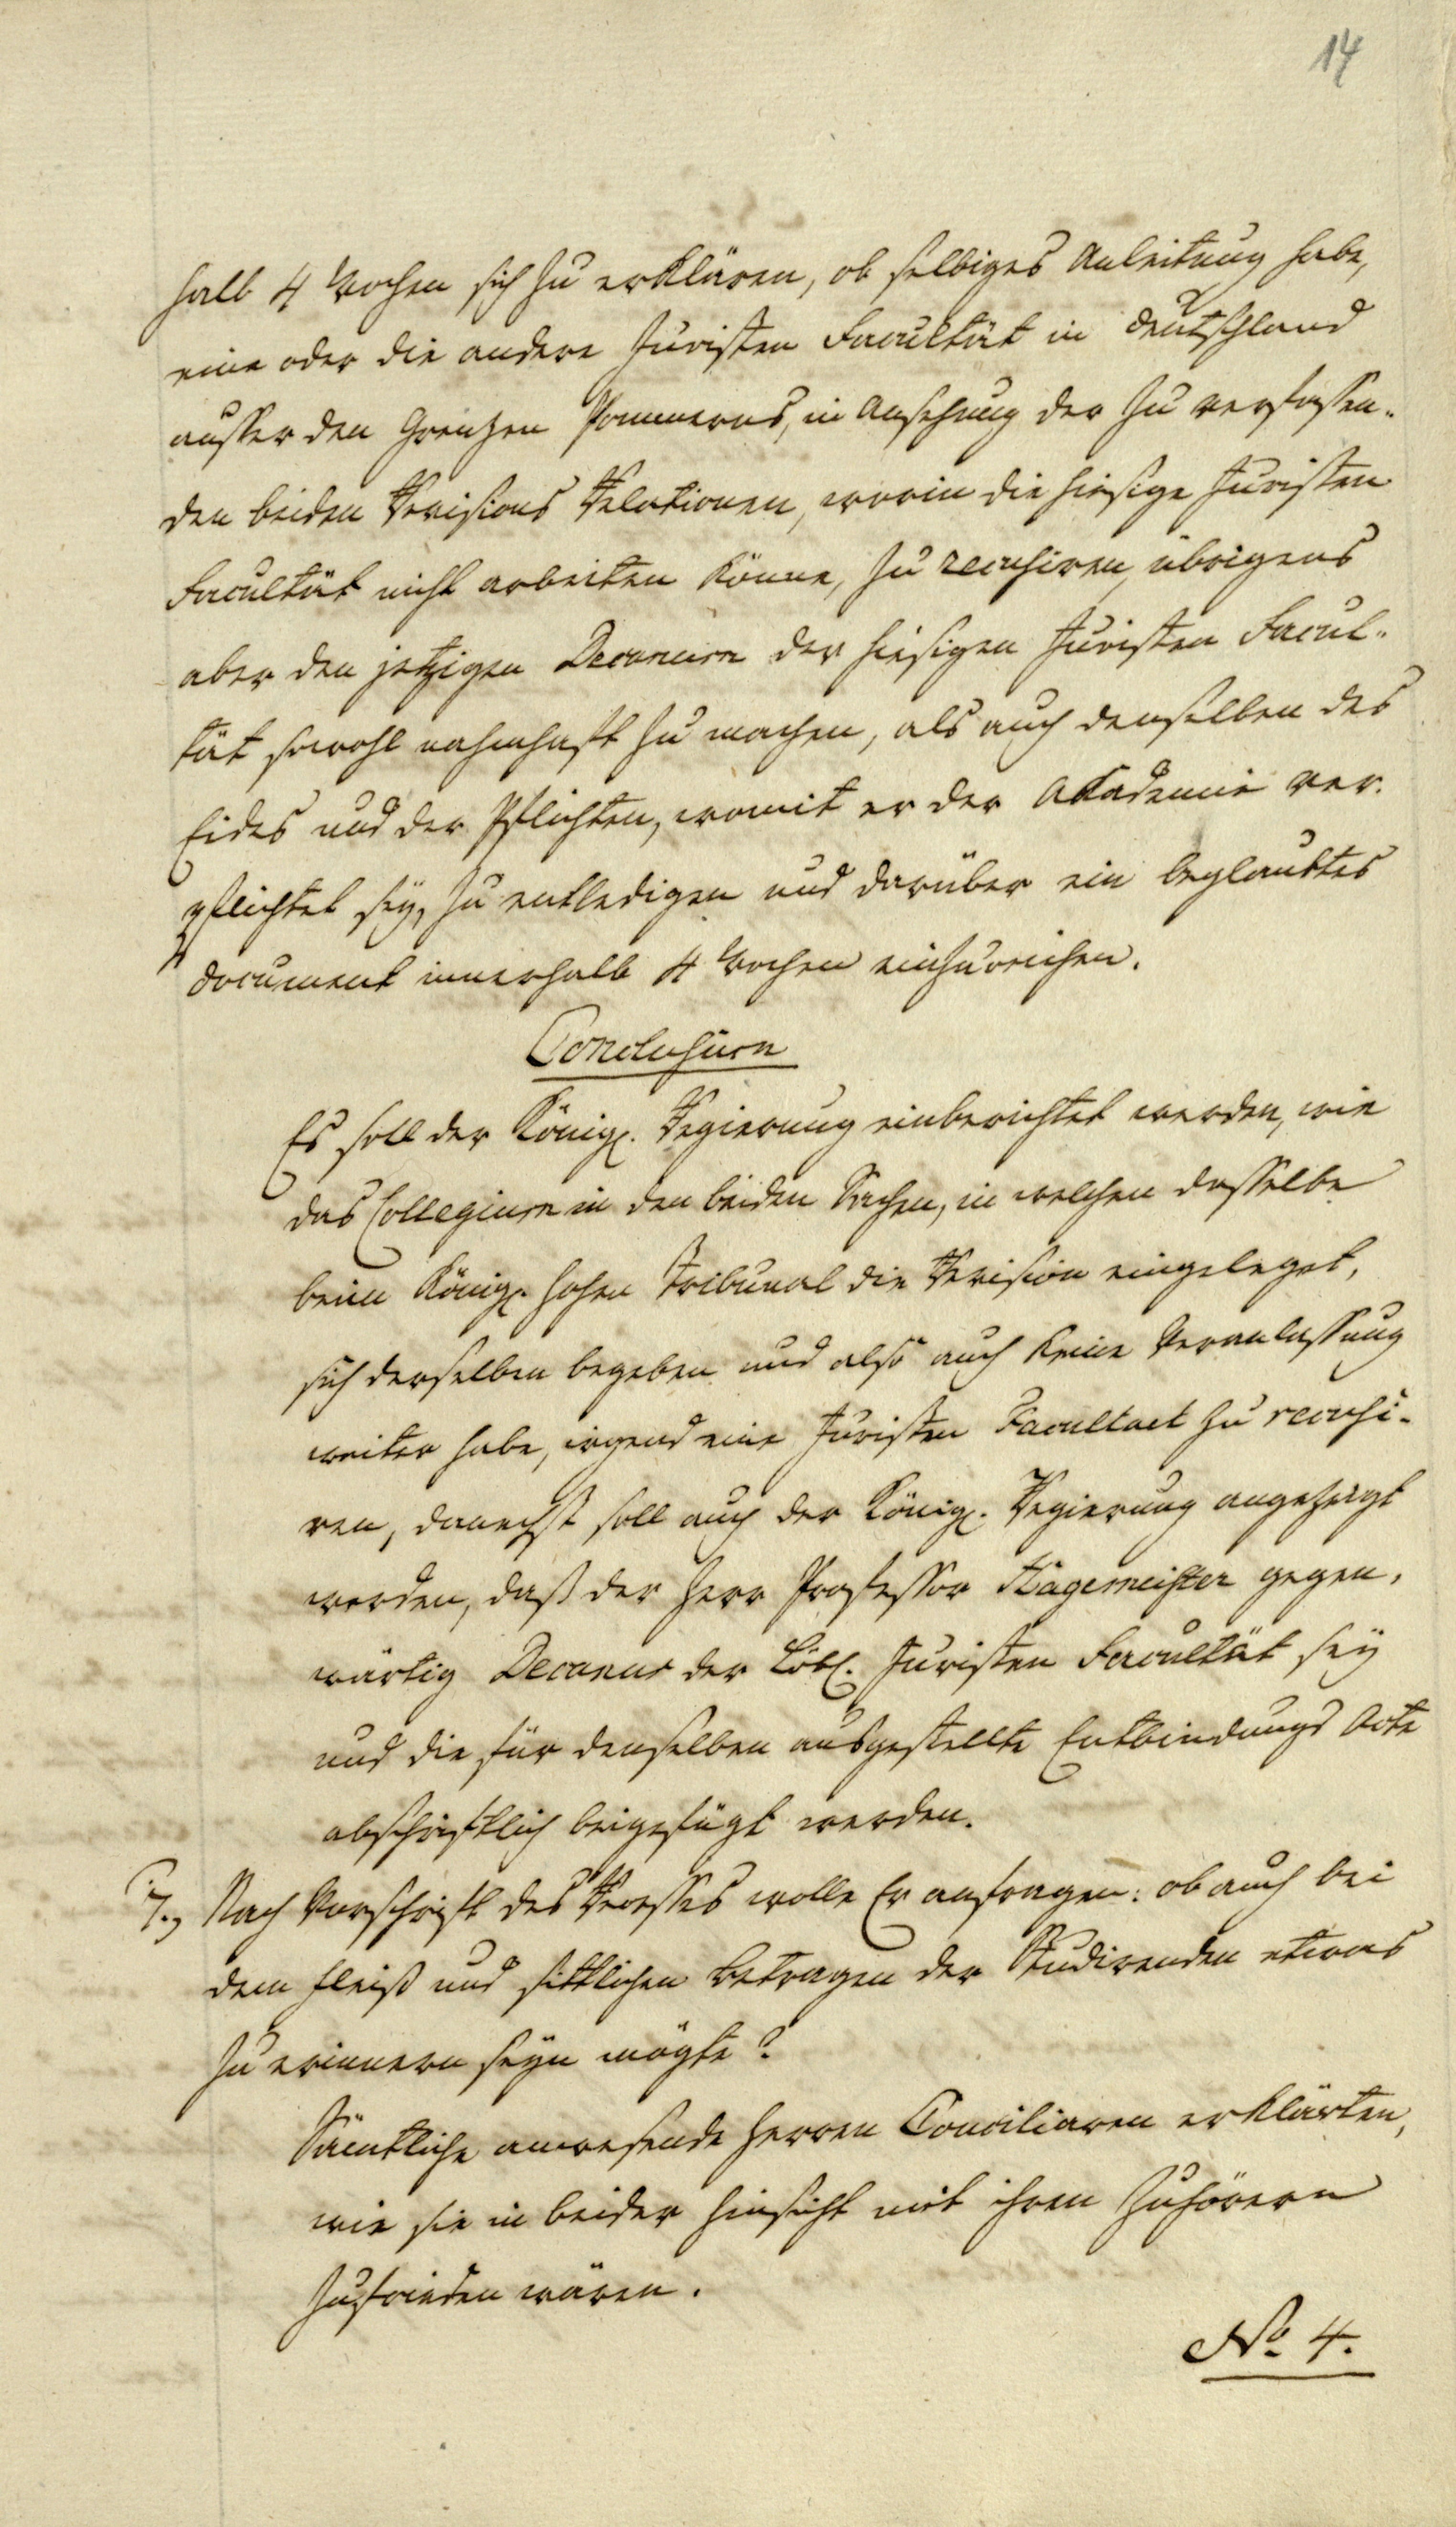halb 4 Wochen sich zu erklären, ob selbiges Anleitung habe,
eine oder die andere Juristen Facultät in Deutschland
ausser den Grenzen Pommerns, in Ansehung der zu verfassen¬
den beiden Revisions Relationen, worin die hiesige Juristen
Facultät nicht arbeiten könne, zu recusiren, übrigens
aber den jetzigen Decanum der hiesigen Juristen Facul¬
tät sowohl nahmhaft zu machen, als auch denselben des
Eides und der Pflichten, womit er der Akademie ver¬
pflichtet seÿ, zu entledigen und darüber ein beglaubtes
Document innerhalb 4 Wochen einzureichen.
Conclusum
Es soll der Königl. Regierung einberichtet werden, wie
das Collegium in den beiden Sachen, in welchen dasselbe
beim Königl. hohen Tribunal die Revision eingeleget,
sich derselben begeben und also auch keine Veranlassung
weiter habe, irgend eine Juristen Facultaet zu recusi¬
ren, danechst soll auch der Königl. Regierung angezeigt
werden, daß der herr Professor Hagemeister gegen¬
wärtig Decanus der Löbl. Juristen Facultät seÿ
und die für denselben ausgestellte Entbindungs Acte
abschriftlich beigefügt werden.
7., Nach Vorschrift des Recesses wolle Er anfragen, ob auch bei
dem Fleiß und sittlichen Betragen der Studirenden etwas
zu erinnern seÿn mögte!
Sämtliche anwesende herren Conciliaren erklärten,
wie sie in beider hinsicht mit ihren Zuhörern
zufrieden wären.
Nº 4.